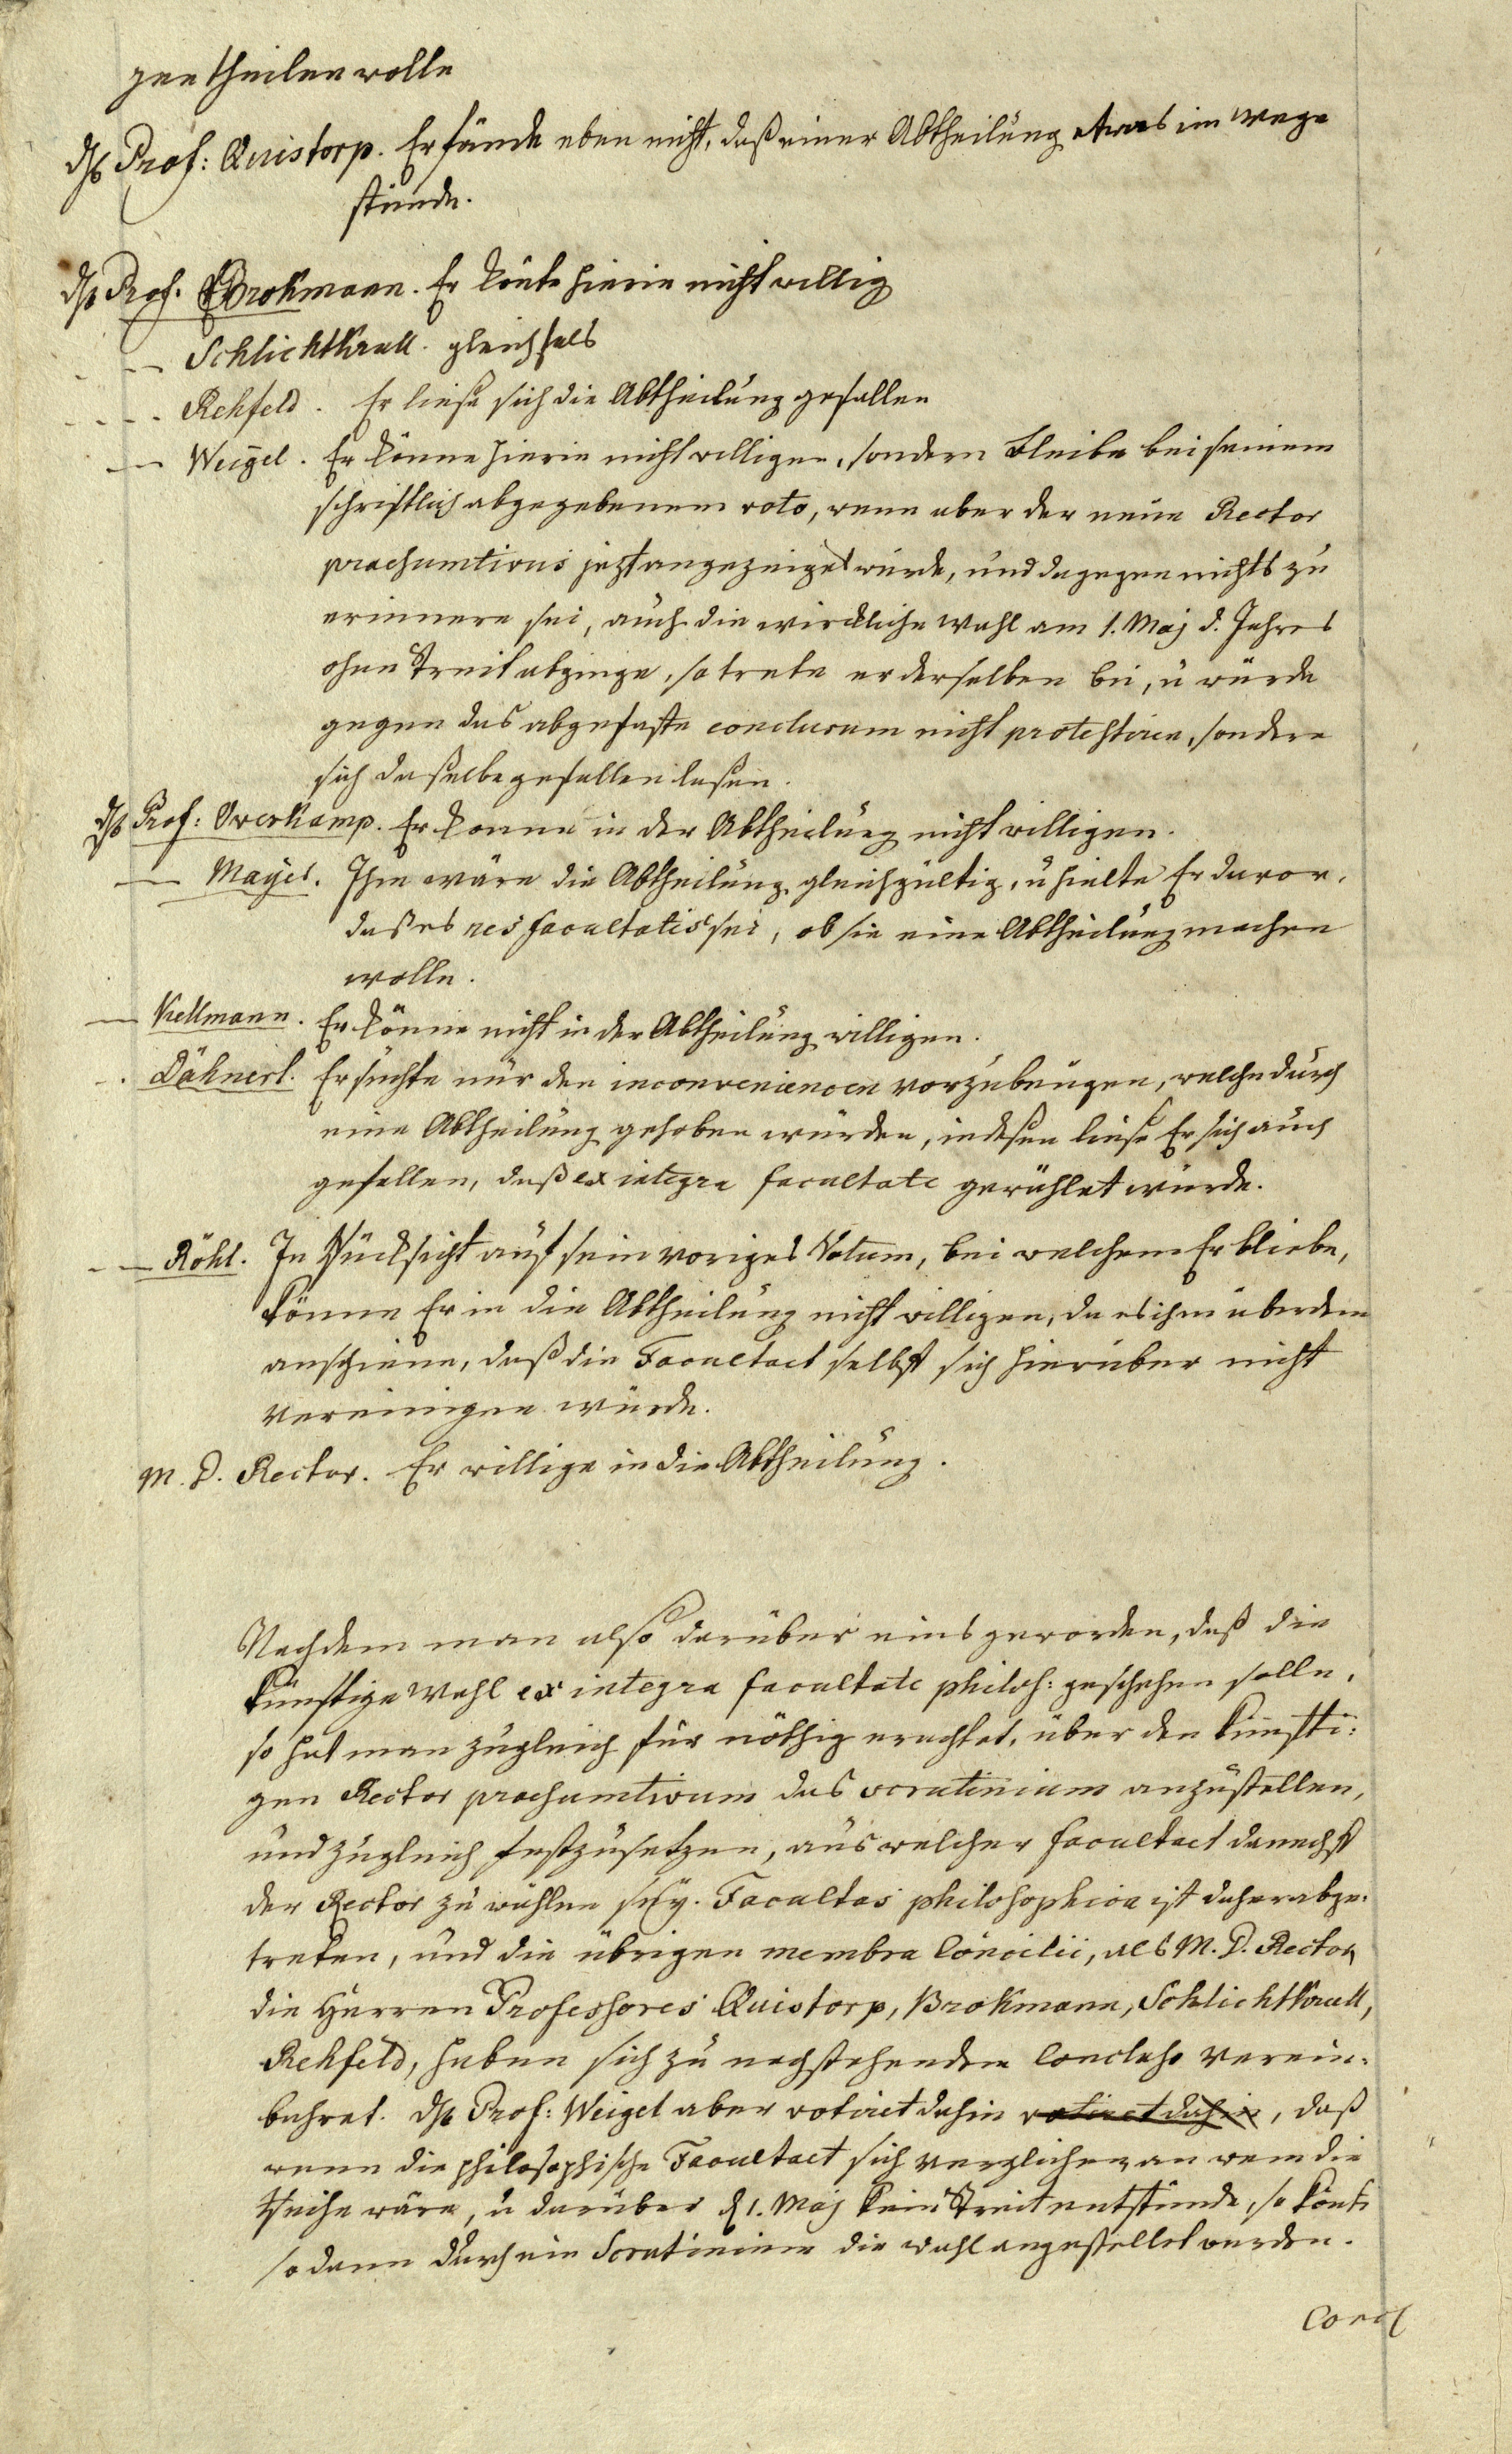gen theilen wolle.
dh. Prof. Quistorp. Er fände eben nicht, daß einer Abtheilung etwas im Wege
stünde.
dh. Prof. Brokmann. Er könte hierin nicht willig
Schlichtkrull gleichfals
Rehfeld. Er ließe sich die Abtheilung gefallen
Weigel. Er könne hierin nicht willigen, sondern bleibe bei seinem
schriftlich abgegebenen voto, wenn aber der neue Rector
praesumtivus jezt angezeiget würde, und dagegen nichts zu
erinnern sei, auch die wirckliche Wahl am 1. Mai d. Jahres
ohne Streit abginge, so trete er derselben bei, u würde
gegen das abgefaste conclusum nicht protestiren, sondern
sich daßelbe gefallen laßen.
dh. Prof. Overkamp. Er könne in der Abtheilung nicht willigen.
Maÿer. Ihm wäre die Abtheilung gleichgültig, u hielte Er davor,
daß es nes facultatis sei, ob sie eine Abtheilung machen
wolle.
Kellmann. Er könne nicht in der Abtheilung willigen.
Dähnert. Er suchte nur den inconveniencen vorzubeugen, welche durch
eine Abtheilung gehoben würden, indeßen ließe Er sich auch
gefallen, daß ex integra facultate gewählet würde.
Röhl. In Rücksicht auf sein voriges Votum, bei welchem Er bliebe,
könne Er in die Abtheilung nicht willigen, da es ihm überdem
anschiene, daß die Facultaet selbst sich hierüber nicht
vereinigen würde.
M. D. Rector. Er willige in die Abtheilung.
Nachdem man also darüber eins geworden, daß die
künftige Wahl ex integra facultate philos. geschehen solle,
so hat man zugleich für nöthig erachtet, über den künfti¬
gen Rector praesumtivum das scrutinium anzustellen,
und zugleich festzusetzen, aus welcher Facultaet danechst
der Rector zu wählen seÿ. Facultas philosophica ist daher abge¬
treten, und die übrigen membra Concilii, als M. D. Rector
die Herren Professores Quistorp, Brokmann, Schlichtkrull,
Rehfeld haben sich zu nachstehendem Concluso verein¬
bahret. dh. Prof. Weigel aber votiret dahin votiret dahin , daß
wenn die philosophische Facultaet sich verglichen an wem die
Reihe wäre, u darüber d. 1. Maj kein Streit entstünde, so könte
sodann durch ein Scrutinium die Wahl angestellet werden.
Concl